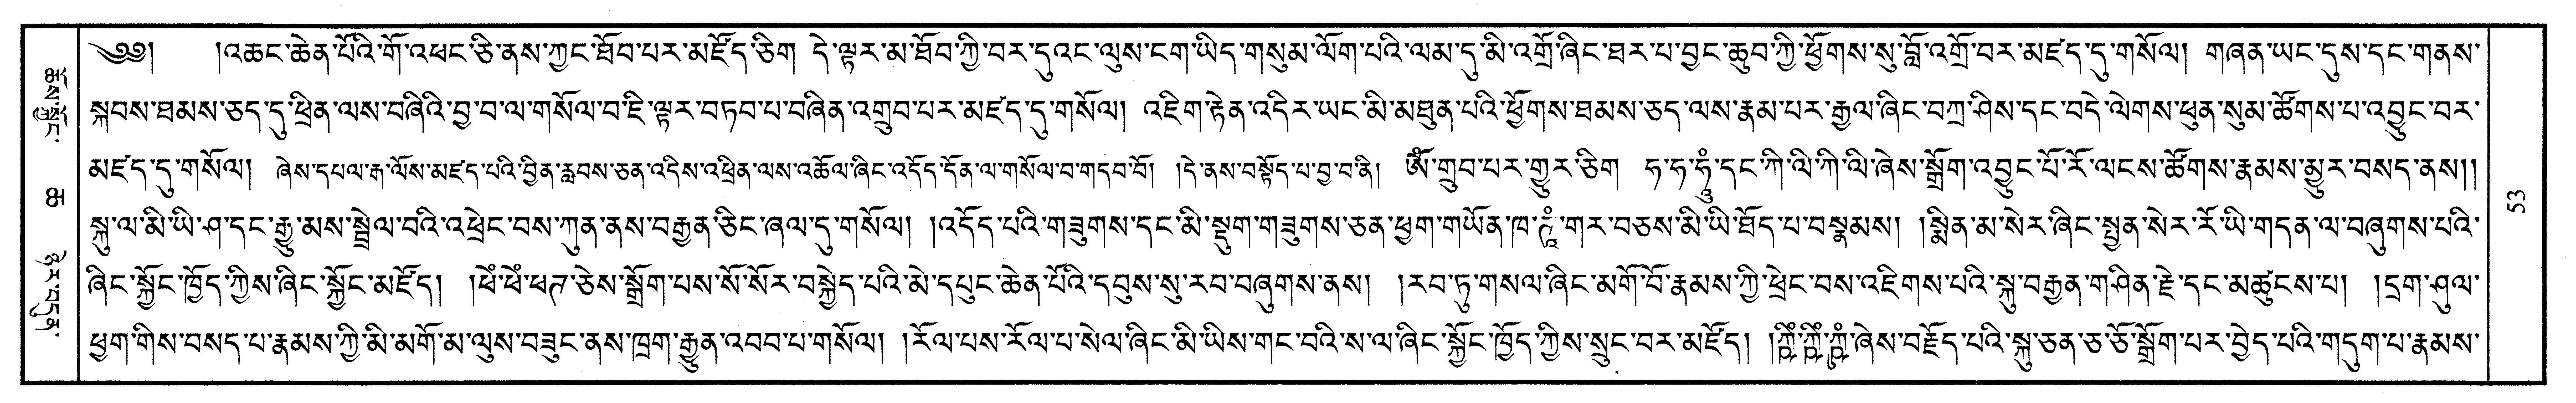༄༅། །འཆང་ཆེན་པོའི་གོ་འཕང་ཅི་ནས་ཀྱང་ཐོབ་པར་མཛོད་ཅིག་དེ་ལྟར་མ་ཐོབ་ཀྱི་བར་དུའང་ལུས་ངག་ཡིད་གསུམ་ལོག་པའི་ལམ་དུ་མི་འགྲོ་ཞིང་ཐར་པ་བྱང་ཆུབ་ཀྱི་ཕྱོགས་སུ་བློ་འགྲོ་བར་མཛད་དུ་གསོལ། གཞན་ཡང་དུས་དང་གནས་
སྐབས་ཐམས་ཅད་དུ་ཕྲིན་ལས་བཞིའི་བྱ་བ་ལ་གསོལ་བ་ཇི་ལྟར་བཏབ་པ་བཞིན་འགྲུབ་པར་མཛད་དུ་གསོལ། འཇིག་རྟེན་འདིར་ཡང་མི་མཐུན་པའི་ཕྱོགས་ཐམས་ཅད་ལས་རྣམ་པར་རྒྱལ་ཞིང་བཀྲ་ཤིས་དང་བདེ་ལེགས་ཕུན་སུམ་ཚོགས་པ་འབྱུང་བར་
མཛད་དུ་གསོལ། ཞེས་དཔལ་རྒ་ལོས་མཛད་པའི་བྱིན་རླབས་ཅན་འདིས་འཕྲིན་ལས་འཆོལ་ཞིང་འདོད་དོན་ལ་གསོལ་བ་གདབ་བོ། །དེ་ནས་བསྟོད་པ་བྱ་བ་ནི། ཨོཾ་གྲུབ་པར་གྱུར་ཅིག་ཧ་ཧ་ཧཱུཾ་དང་ཀི་ལི་ཀི་ལི་ཞེས་སྒྲོག་འབྱུང་པོ་རོ་ལངས་ཚོགས་རྣམས་མྱུར་བསད་ནས།།
སྐུ་ལ་མི་ཡི་ཤ་དང་རྒྱུ་མས་སྦྲེལ་བའི་འཕྲེང་བས་ཀུན་ནས་བརྒྱན་ཅིང་ཞལ་དུ་གསོལ། །འདོད་པའི་གཟུགས་དང་མི་སྡུག་གཟུགས་ཅན་ཕྱག་གཡོན་ཁ་ཊཱཾ་གར་བཅས་མི་ཡི་ཐོད་པ་བསྣམས། །སྨིན་མ་སེར་ཞིང་སྤྱན་སེར་རོ་ཡི་གདན་ལ་བཞུགས་པའི་
ཞིང་སྐྱོང་ཁྱོད་ཀྱིས་ཞིང་སྐྱོང་མཛོད། །ཕེཾ་ཕེཾ་ཕཊ་ཅེས་སྒྲོག་པས་སོ་སོར་བསྐྱེད་པའི་མེ་དཔུང་ཆེན་པོའི་དབུས་སུ་རབ་བཞུགས་ནས། །རབ་ཏུ་གསལ་ཞིང་མགོ་བོ་རྣམས་ཀྱི་ཕྲེང་བས་འཇིགས་པའི་སྐུ་བརྒྱན་གཤིན་རྗེ་དང་མཚུངས་པ། །དྲག་ཤུལ་
ཕྱག་གིས་བསད་པ་རྣམས་ཀྱི་མི་མགོ་མ་ལུས་བཟུང་ནས་ཁྲག་རྒྱུན་འབབ་པ་གསོལ། །རོལ་པས་རོལ་པ་སེལ་ཞིང་མི་ཡིས་གང་བའི་ས་ལ་ཞིང་སྐྱོང་ཁྱོད་ཀྱིས་སྲུང་བར་མཛོད། །ཀཥིཾ་ཀཥིཾ་ཀྵུཾ་ཞེས་བརྗོད་པའི་སྐུ་ཅན་ཅ་ཅོ་སྒྲོག་པར་བྱེད་པའི་གདུག་པ་རྣམས་